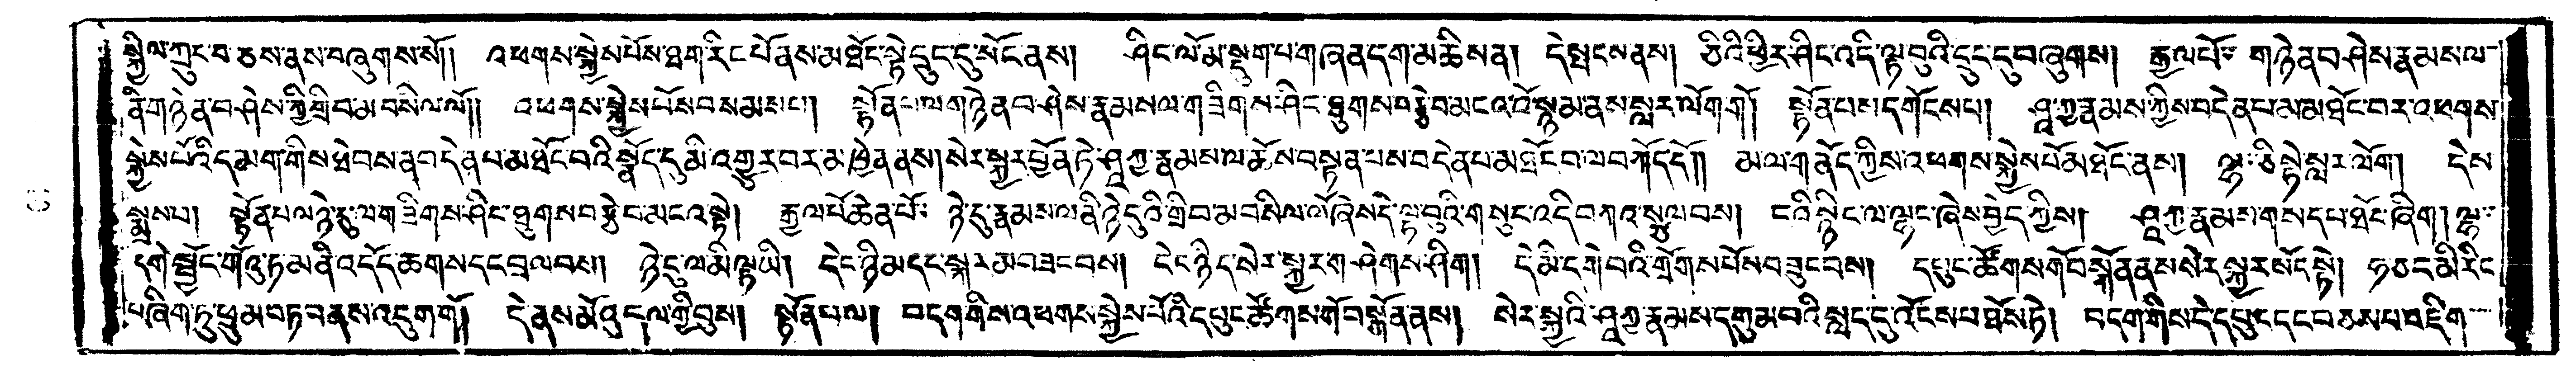སྐྱིལ་ཀྲུང་བཅས་ནས་བཞུགས་སོ།། འཕགས་སྐྱེས་པོས་ཐག་རིང་པོ་ནས་མཐོང་སྟེ་དྲུང་དུ་སོང་ནས། ཤིང་ལོ་མ་སྡུག་པ་གཞན་དག་མཆིས་ན། དེ་སྤངས་ནས། ཅིའི་ཕྱིར་ཤིང་འདི་ལྟ་བུའི་དྲུང་དུ་བཞུགས། རྒྱལ་པོ་གཉེན་བཤེས་རྣམས་ལ་
ནི་གཉེན་བཤེས་ཀྱི་གྲིབ་མ་བསིལ་ལོ།། འཕགས་སྐྱེས་པོས་བསམས་པ། སྟོན་པ་ལ་གཉེན་བ་ཤེས་རྣམས་ལ་གཟིགས་ཤིང་ཐུགས་བརྩེ་བ་མངའ་འོ་སྙམ་ནས་སླར་ལོག་གོ། སྟོན་པས་དགོངས་པ། ཤཱཀྱ་རྣམས་ཀྱིས་བདེན་པ་མ་མཐོང་བར་འཕགས་
སྐྱེས་པོའི་དམག་གིས་ཐེབས་ན་བདེན་པ་མཐོང་བའི་སྣོད་དུ་མི་འགྱུར་བར་མཁྱེན་ནས། སེར་སྐྱར་བྱོན་ཏེ་ཤཱཀྱ་རྣམས་ལ་ཆོས་བསྟན་པས་བདེན་པ་མཐོང་བ་ལ་བཀོད་དོ།། མ་ལ་གནོད་ཀྱིས་འཕགས་སྐྱེས་པོ་མཐོང་ནས། ལྷ་ཅི་སྟེ་སླར་ལོག། དེས་
སྨྲས་པ། སྟོན་པ་ལ་ཉེ་དུ་ལ་གཟིགས་ཤིང་ཐུགས་བརྩེ་བ་མངའ་སྟེ། རྒྱལ་པོ་ཆེན་པོ་ཉེ་དུ་རྣམས་ལ་ནི་ཉེ་དུའི་གྲིབ་མ་བསིལ་ལོ་ཞེས་དེ་ལྟ་བུའི་གསུང་འདི་བཀའ་སྩལ་བས། ངའི་སྙིང་ལ་ལྷང་ཞེས་བྱེད་ཀྱིས། ཤཱཀྱ་རྣམས་གསད་པ་ཐོང་ཞིག། ལྷ་
དགེ་སྦྱོང་གོའུ་ཏ་མ་ནི་འདོད་ཆགས་དང་བྲལ་བས། ཉེ་དུ་ལ་མི་ལྟ་ཡི། དེང་ཉི་མ་དང་སྐར་མ་བཟང་བས། དེང་ཉིད་སེར་སྐྱར་གཤེགས་ཤིག། དེ་མི་དགེ་བའི་གྲོགས་པོས་བཟུང་བས། དཔུང་ཚོགས་གོ་བསྐོན་ནས་སེར་སྐྱར་སོང་སྟེ། ཧ་ཅང་མི་རིང་
བ་ཞིག་ཏུ་ཕྲུ་མ་བཏབ་ནས་འདུག་གོ། དེ་ནས་མོའུངྒལ་གྱི་བུས། སྟོན་པ་ལ། བདག་གིས་འཕགས་སྐྱེས་པོའི་དཔུང་ཚོགས་གོ་བསྒོན་ནས། སེར་སྐྱའི་ཤཱཀྱ་རྣམས་དགུམ་བའི་སླད་དུ་འོངས་པ་ཐོས་ཏེ། བདག་གིས་དེ་དཔུང་དང་བཅས་པ་འཇིག་